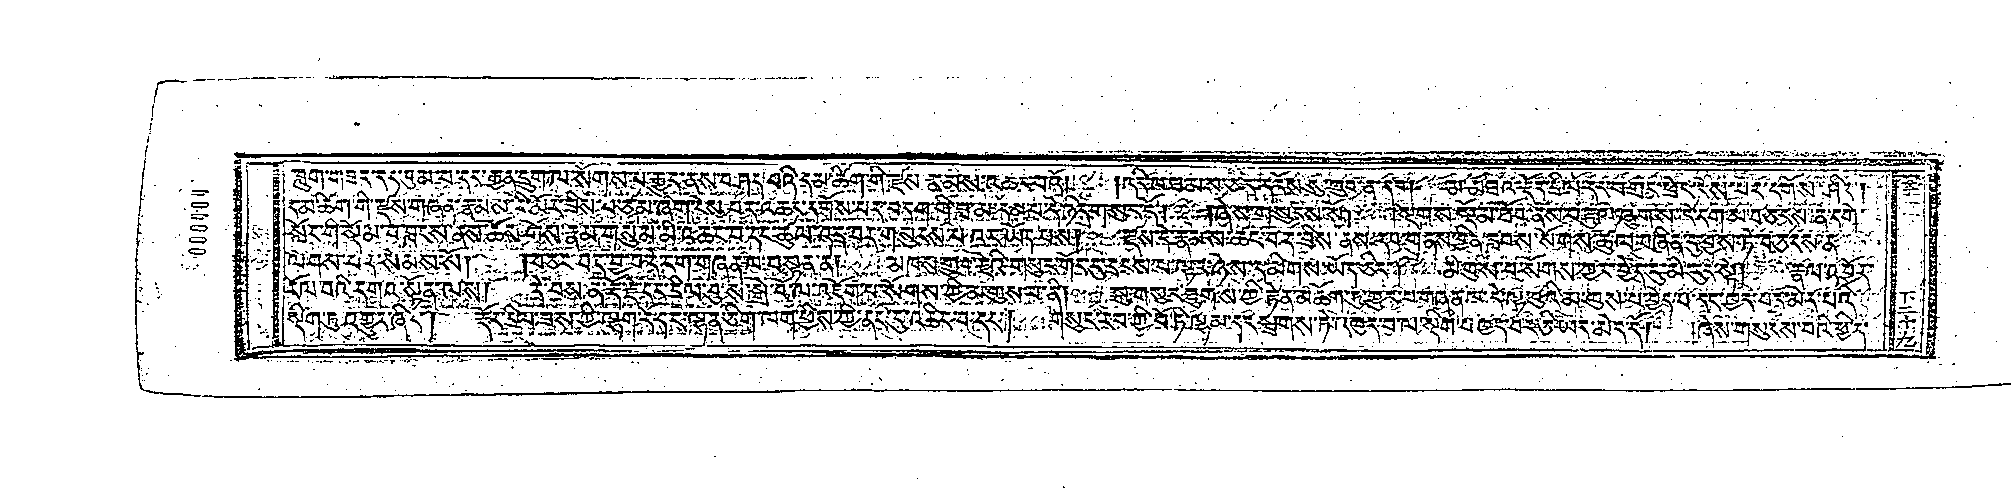བླུག་གཟར་དང་བུམ་པ་དང་རྒྱན་དྲུག་ལ་སོགས་པ་རྒྱུད་ནས་བཤད་པའི་དམ་ཚིག་གི་རྫས་རྣམས་འཆང་བའོ། །འདི་ལ་ཐམས་ཅད་དངོས་སུ་གྲུབ་ན་རབ། མ་མཐའ་རྡོར་དྲིལ་དང་བགྲང་ཕྲེང་ངེས་པར་དགོས་ཤིང་།
དམ་ཚིག་གི་རྫས་གཞན་རྣམས་རི་མོར་བྲིས་པ་ཙམ་ཞིག་ངེས་པར་འཆད་དགོས་པར་བདག་གི་བླ་མ་དམ་པ་དེ་ཉིད་གསུང་ངོ། །ཞེས་གསུངས་སོ། །སྔགས་སྡོམ་ཐོབ་ནས་བརྟུལ་ཞུགས་དེ་དག་མ་བཅངས་ན་དགེ་
སློང་གི་སྡོམ་པ་བླངས་ནས་ཆོས་གོས་རྣམ་གསུམ་མི་འཆད་བ་དང་ཚུལ་འདྲ་བར་གསུངས་པའང་ཡོད་པས། རྫས་དེ་རྣམས་ཚད་བར་བྲིས་ནས་རབ་གནས་བྱིན་རླབས་སོགས་ཚུལ་བཞིན་དུ་བྱས་ཏེ་བཅངས་ན་
ལེགས་པར་སེམས་སོ། །བཅང་བར་བྱ་བ་དེ་དག་གཞན་ལ་བསྟན་ན། མཁས་གྲུབ་རྗེའི་གསུང་གོང་དུ་དྲངས་པ་ལྟར་ཉེས་དམིགས་ཡོད་ཅིང་། མི་གུས་པ་སོགས་ཀྱང་བྱེད་དུ་མི་རུང་སྟེ། རྣལ་འབྱོར་
རོལ་བའི་དགའ་སྟོན་ལས། དེ་བས་ན་རྡོ་རྗེ་དང་དྲིལ་བུས་སྒྲེ་བོ་ལ་འཇོག་པ་སོགས་ཀྱི་མགུས་པ་ནི། སྐུ་གསུང་ཐུགས་ཀྱི་རྟེན་མཆོག་ཏུ་གྱུར་པ་གཞན་ལ་དེ་ལྟ་བུའི་མ་གུས་པ་བྱེད་པ་དང་ཁྱད་པར་མེད་པའི་
སྡིག་ཏུ་འགྱུར་ཞིང་། རྡོར་དྲིལ་ཟས་ཀྱི་ལྷག་རོ་དང་ལྷན་ཅིག་ལག་ཕྱིས་ཀྱི་ནང་དུ་འཆིང་བ་དང་། གསུང་རབ་ཀྱི་པོ་ཏི་ལྷམ་དང་སྦྲགས་ཏེ་འཁུར་བ་ལ་སྡིག་པ་ཁྱད་བར་ཅི་ཡང་མེད་དོ། །ཞེས་གསུངས་བའི་ཕྱིར་